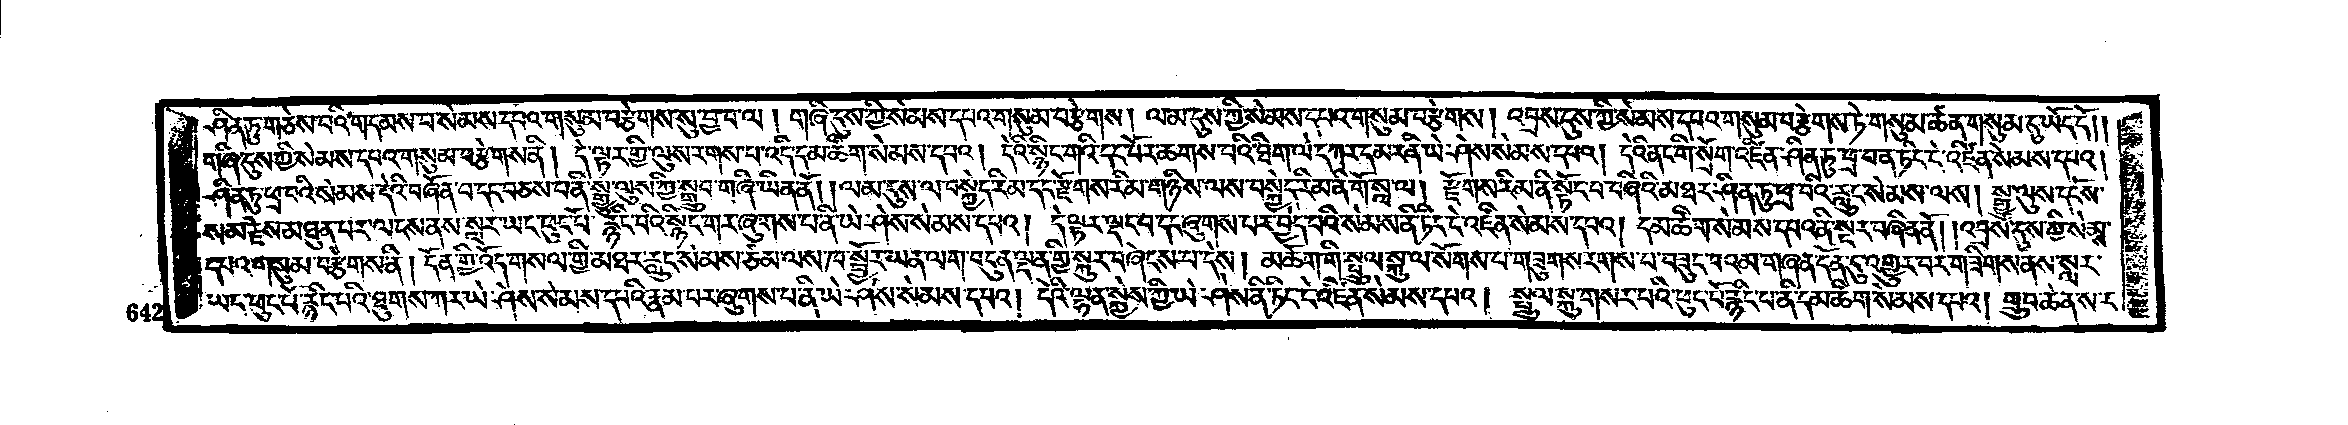ཤིན་ཏུ་གཅེས་པའི་གདམས་པ་སེམས་དཔའ་གསུམ་བརྩེགས་སུ་བྱ་བ་ལ། གཞི་དུས་ཀྱི་སེམས་དཔའ་གསུམ་བརྩེགས། ལམ་དུས་ཀྱི་སེམས་དཔའ་གསུམ་བརྩེགས། འབྲས་དུས་ཀྱི་སེམས་དཔའ་གསུམ་བརྩེགས་ཏེ་གསུམ་ཚན་གསུམ་དུ་ཡོད་དོ། །
གཞི་དུས་ཀྱི་སེམས་དཔའ་གསུམ་བརྩེགས་ནི། དེ་ལྟར་གྱི་ལུས་རགས་པ་འདི་དམ་ཚིག་སེམས་དཔའ། དེའི་སྙིང་གའི་དང་པོར་ཆགས་པའི་ཐིག་ལེ་དཀར་དམར་ནི་ཡེ་ཤེས་སེམས་དཔའ། དེའི་ནང་གི་སྲོག་འཛིན་ཤིན་ཏུ་ཕྲ་བ་ནི་ཏིང་ངེ་འཛིན་སེམས་དཔའ།
ཤིན་ཏུ་ཕྲ་བའི་སེམས་དེའི་བཞོན་པ་དང་བཅས་པ་ནི་སྒྱུ་ལུས་ཀྱི་སྒྲུབ་གཞི་ཡིན་ནོ། །ལམ་དུས་ལ་བསྐྱེད་རིམ་དང་རྫོགས་རིམ་གཉིས་ལས་བསྐྱེད་རིམ་ནི་གོ་སླ་ལ། རྫོགས་རིམ་ནི་སྟོང་པ་བཞིའི་མཐར་ཤིན་ཏུ་ཕྲ་བའི་རླུང་སེམས་ལས། སྒྱུ་ལུས་དངོས་
སམ་རྗེས་མཐུན་པར་ལངས་ནས་སླར་ཡང་ཕུང་པོ་རྙིང་པའི་སྙིང་གར་ཞུགས་པ་ནི་ཡེ་ཤེས་སེམས་དཔའ། དེ་ལྟར་ལྡང་བ་དང་ཞུགས་པར་བྱེད་པའི་སེམས་ནི་ཏིང་ངེ་འཛིན་སེམས་དཔའ། དམ་ཚིག་སེམས་དཔའ་ནི་སྔར་བཞིན་ནོ། །འབྲས་དུས་ཀྱི་སེམས་
དཔའ་གསུམ་བརྩེགས་ནི། དོན་གྱི་འོད་གསལ་གྱི་མཐར་རླུང་སེམས་ཙམ་ལས་ཁ་སྦྱོར་ཡན་ལག་བདུན་ལྡན་གྱི་སྐུར་བཞངས་པ་དེས། མཆོག་གི་སྤྲུལ་སྐུ་ལ་སོགས་པ་གཟུགས་རགས་པ་བཟུང་བའམ་གཞན་དོན་དུ་འགྱུར་བར་གཟིགས་ནས་སླར་
ཡང་ཕུང་པོ་རྙིང་པའི་ཐུགས་ཀར་ཡེ་ཤེས་སེམས་དཔའི་རྣམ་པར་ཞུགས་པ་ནི་ཡེ་ཤེས་སེམས་དཔའ། དེའི་ལྷན་སྐྱེས་ཀྱི་ཡེ་ཤེས་ནི་ཏིང་ངེ་འཛིན་སེམས་དཔའ། སྤྲུལ་སྐུ་གསར་པའི་ཕུང་པོ་རྙིང་པ་ནི་དམ་ཚིག་སེམས་དཔའ། གྲུབ་ཆེན་ས་ར་